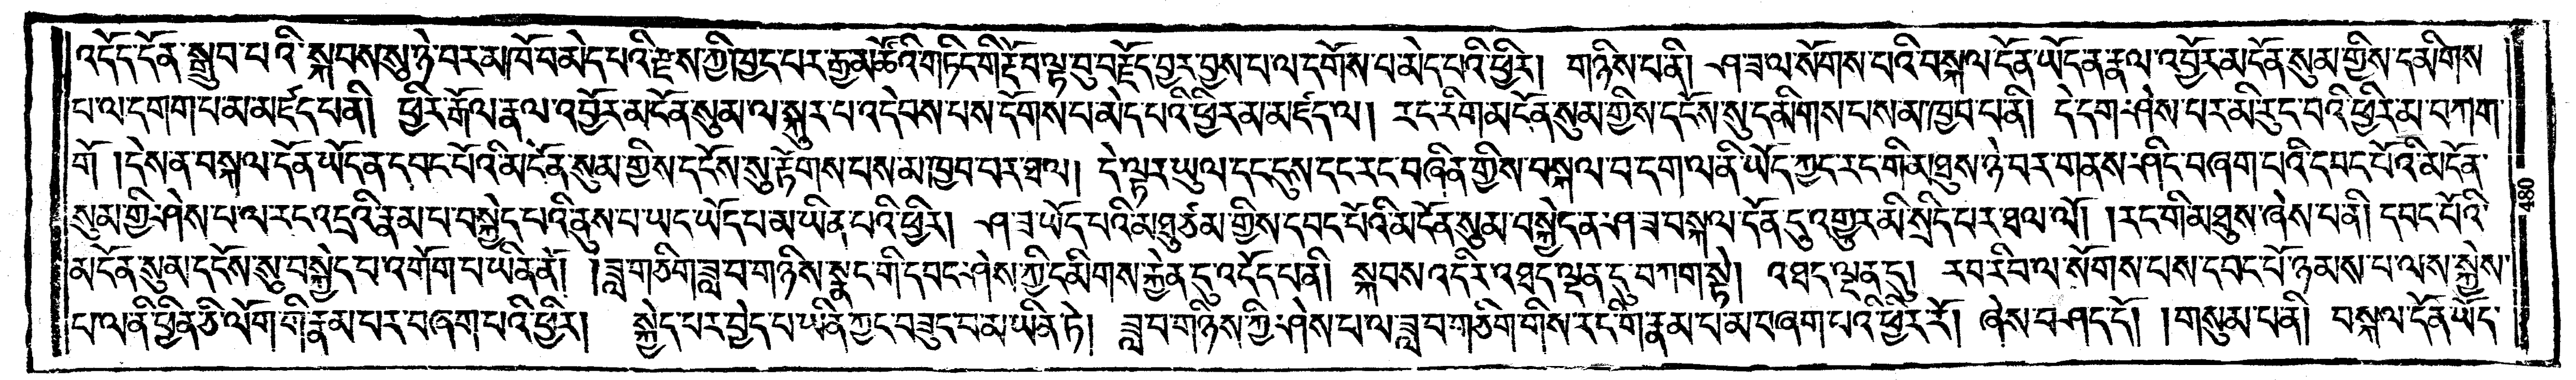འདོད་དོན་སྒྲུབ་པའི་སྐབས་སུ་ཉེ་བར་མཁོ་བ་མེད་པའི་རྫས་ཀྱི་ཁྱད་པར་རྒྱ་མཚོའི་གཏིང་གི་རྡོ་བ་ལྟ་བུ་བརྗོད་བྱར་བྱས་པ་ལ་དགོས་པ་མེད་པའི་ཕྱིར། གཉིས་པ་ནི། ཤ་ཟ་ལ་སོགས་པའི་བསྐལ་དོན་ཡོད་ན་རྣལ་འབྱོར་མངོན་སུམ་གྱིས་དམིགས་
པ་ལ་དགག་པ་མ་མཛད་པ་ནི། ཕྱིར་རྒོལ་རྣལ་འབྱོར་མངོན་སུམ་ལ་སྐུར་པ་འདེབས་པས་དོགས་པ་མེད་པའི་ཕྱིར་མ་མཛད་ལ། རང་རིག་མངོན་སུམ་གྱིས་དངོས་སུ་དམིགས་པས་མ་ཁྱབ་པ་ནི། དེ་དག་ཤེས་པར་མི་རུང་བའི་ཕྱིར་མ་བཀག་
གོ །དེས་ན་བསྐལ་དོན་ཡོད་ན་དབང་པོའི་མངོན་སུམ་གྱིས་དངོས་སུ་རྟོགས་པས་མ་ཁྱབ་པར་ཐལ། དེ་ལྟར་ཡུལ་དང་དུས་དང་རང་བཞིན་གྱིས་བསྐལ་པ་དག་ལ་ནི་ཡོད་ཀྱང་རང་གི་མཐུས་ཉེ་བར་གནས་ཤིང་བཞག་པའི་དབང་པོའི་མངོན་
སུམ་གྱི་ཤེས་པ་ལ་རང་འདྲའི་རྣམ་པ་བསྐྱེད་པའི་ནུས་པ་ཡང་ཡོད་པ་མ་ཡིན་པའི་ཕྱིར། ཤ་ཟ་ཡོད་པའི་མཐུ་ཙམ་གྱིས་དབང་པོའི་མངོན་སུམ་བསྐྱེད་ན་ཤ་ཟ་བསྐལ་དོན་དུ་འགྱུར་མི་སྲིད་པར་ཐལ་ལོ། །རང་གི་མཐུས་ཞེས་པ་ནི། དབང་པོའི་
མངོན་སུམ་དངོས་སུ་བསྐྱེད་པ་འགོག་པ་ཡིན་ནོ། །ཟླ་གཅིག་ཟླ་བ་གཉིས་སྣང་གི་དབང་ཤེས་ཀྱི་དམིགས་རྐྱེན་དུ་འདོད་པ་ནི། སྐབས་འདིར་འཐད་ལྡན་དུ་བཀག་སྟེ། འཐད་ལྡན་དུ། རབ་རིབ་ལ་སོགས་པས་དབང་པོ་ཉམས་པ་ལས་སྐྱེས་
པ་ལ་ནི་ཕྱིན་ཅི་ལོག་གི་རྣམ་པར་བཞག་པའི་ཕྱིར། སྐྱེད་པར་བྱེད་པ་ཡིན་ཀྱང་བཟུང་བ་མ་ཡིན་ཏེ། ཟླ་བ་གཉིས་ཀྱི་ཤེས་པ་ལ་ཟླ་བ་གཅིག་གིས་རང་གི་རྣམ་པ་མ་བཞག་པའི་ཕྱིར་རོ། ཞེས་བཤད་དོ། །གསུམ་པ་ནི། བསྐལ་དོན་ཡོད་